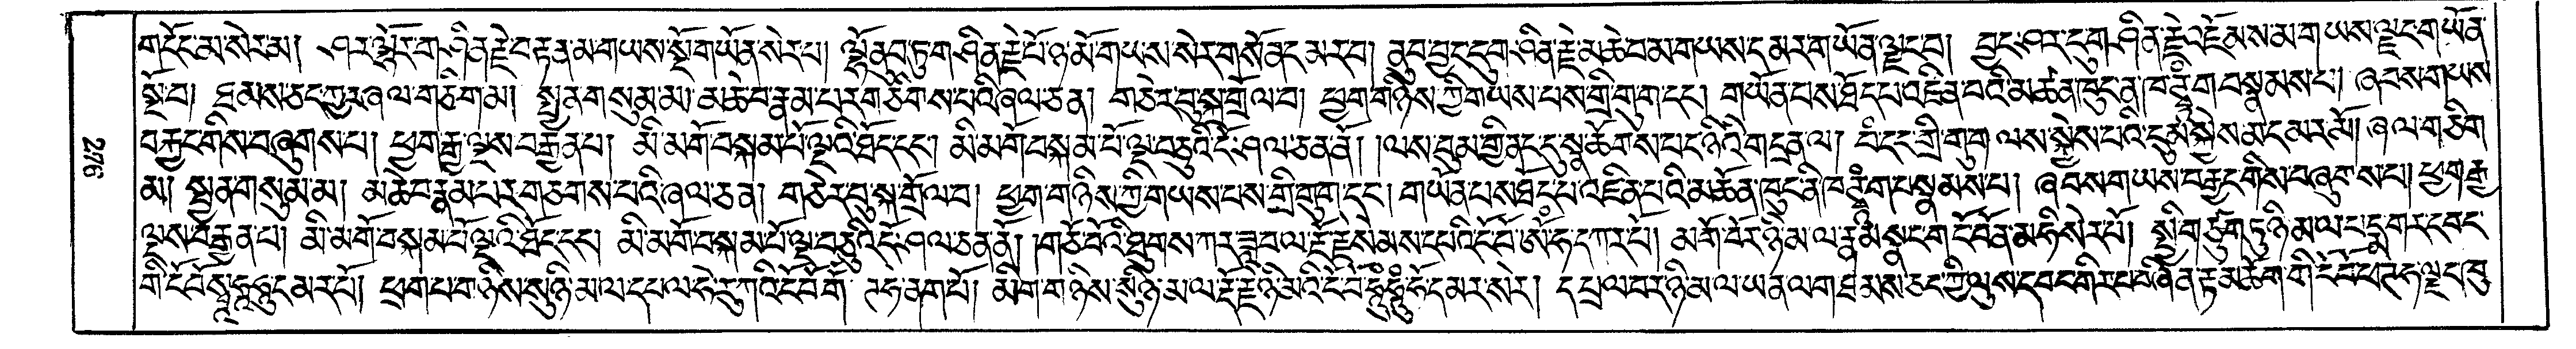གདོང་མ་སེར་མོ། ཤར་ལྷོར་གཤིན་རྗེ་བརྟན་མ་གཡས་སྔོ་གཡོན་སེར་བ། ལྷོ་ནུབ་ཏུ་གཤིན་རྗེ་པོ་ཉ་མོ་གཡས་སེར་སེར་གཡོན་དམར་བ། ནུབ་བྱང་དུ་གཤིན་རྗེ་མཆེ་བ་མ་གཡས་དམར་གཡོན་ལྗང་བ། བྱང་ཤར་དུ་གཤིན་རྗེ་འཇོམས་མ་གཡས་ལྗང་གཡོན་
སྔོ་བ། ཐམས་ཅད་ཀྱང་ཞལ་གཅིག་མ། སྤྱན་གསུམ་མ། མཆེ་བ་རྣམ་པར་གཙིགས་པའི་ཞལ་ཅན། གཅེར་བུ་སྐྲ་གྲོལ་བ། ཕྱག་གཉིས་ཀྱི་གཡས་པས་གྲི་གུག་དང་། གཡོན་པས་ཐོང་པ་འཛིན་པའི་མཆན་ཁུང་ན་ཁ་ཊྭཱཾ་ག་བསྣམས་པ། ཞབས་གཡས་
བརྐྱང་གིས་བཞུགས་པ། ཕྱག་རྒྱ་ལྔས་བརྒྱན་པ། མི་མགོ་བསྐམ་པོ་ལྔའི་ཐོད་དང་། མི་མགོ་བསྐམ་པོ་ལྔ་བཅུའི་དོ་ཤལ་ཅན་ནོ། །ལས་བུམ་གྱི་ནང་དུ་སྣ་ཚོགས་པད་ཉིའི་གདན་ལ། བཾ་དང་གྲི་གུག་ལས་སྐྱེས་པའི་དུམ་སྐྱེས་མ་དམར་མོ། ཞལ་གཅིག་
མ༑ སྤྱན་གསུམ་མ། མཆེ་བ་རྣམ་པར་གཙིགས་པའི་ཞལ་ཅན། གཅེར་བུ་སྐྲ་གྲོལ་བ། ཕྱག་གཉིས་ཀྱི་གཡས་པས་གྲི་གུག་དང་། གཡོན་པས་ཐོད་པ་འཛིན་པའི་མཆན་ཁུང་ན་ཁ་ཊྭཱཾ་ག་བསྣམས་པ། ཞབས་གཡས་བརྐྱང་གིས་བཞུགས་པ། ཕྱག་རྒྱ་
ལྔས་བརྒྱན་པ། མི་མགོ་བསྐམ་པོ་ལྔའི་ཐོད་དང་། མི་མགོ་བསྐམ་པོ་ལྔ་བཅུའི་དོ་ཤལ་ཅན་ནོ། །གཙོ་བོའི་ཐུགས་ཀར་ཟླ་བ་ལ་རྡོ་རྗེ་སེམས་དཔའི་ངོ་བོ་ཨོཾ་ཧ་དཀར་པོ། མགོ་བོར་ཉི་མ་ལ་རྣམ་སྣང་གི་ངོ་བོ་ན་མ་ཧི་སེར་པོ། སྤྱི་གཙུག་ཏུ་ཉི་མ་ལ་པདམ་གར་དབང་
གི་ངོ་བོ་སྭཱ་ཧཱ་ཧུ་དམར་པོ། ཕྲག་པ་གཉིས་སུ་ཉི་མ་ལ་དཔལ་ཧེ་རུ་ཀའི་ངོ་བོ་བཽ་ཥཊ་ཧེ་ནག་པོ། མིག་གཉིས་སུཾ་ཉ་མ་ལ་རྡོ་རྗེ་ཉི་མའི་ངོ་བོ་ཧཱུཾ་ཧཱུཾ་ཧོ་དམར་སེར། དཔྲལ་བར་ཉི་མ་ལ་ཡན་ལག་ཐམས་ཅད་ཀྱི་ལས་དབང་གི་རང་བཞིན་རྟ་མཆོག་གི་ངོ་བོ་ཕཊ་ཧཾ་ལྗང་ཁུ།